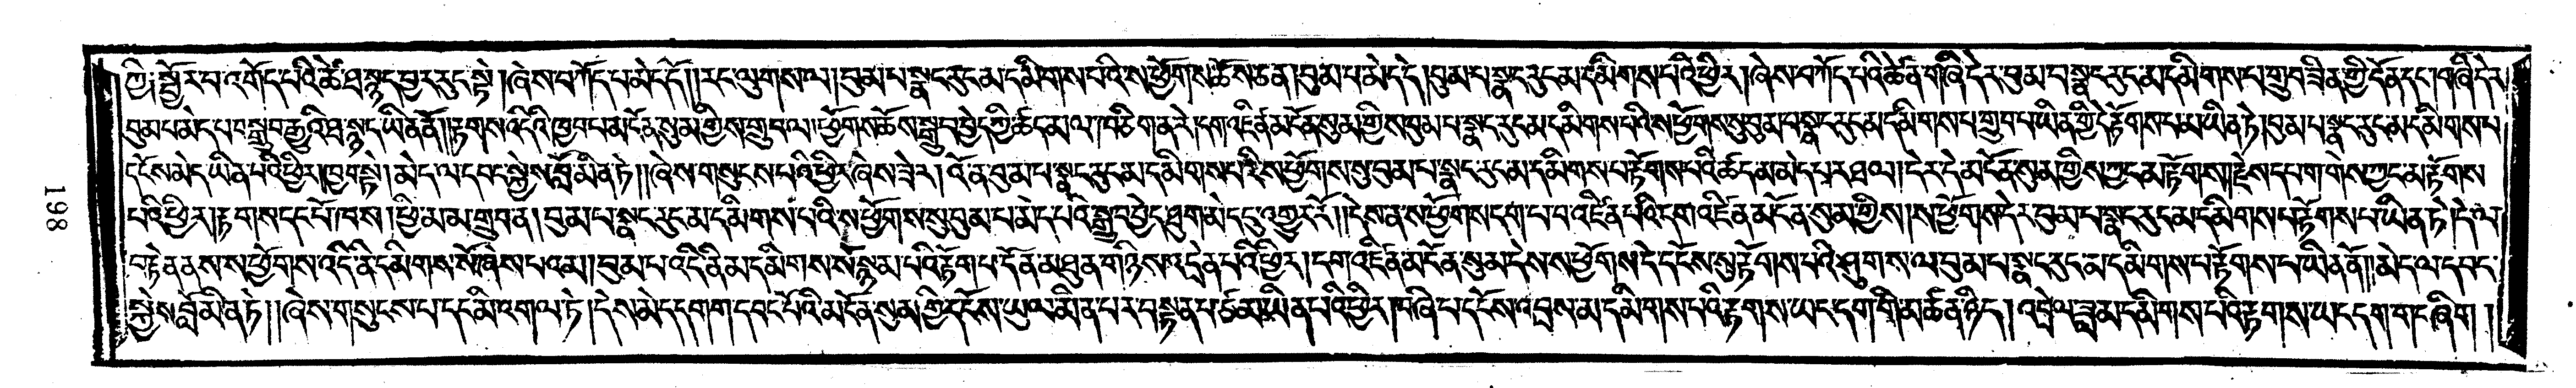ཀྱི༑ སྦྱོར་བ་འགོད་པའི་ཆེ་ཐ་སྙད་བྱར་རུང་སྟེ། ཞེས་བཀོད་པ་མེད་དོ། །རང་ལུགས་ལ། བུམ་པ་སྣང་རུང་མ་དམིགས་པའི་ས་ཕྱོགས་ཆོས་ཅན། བུམ་པ་མེད་དེ། བུམ་པ་སྣང་རུང་མ་དམིགས་པའི་ཕྱིར། ཞེས་བཀོད་པའི་ཚེ་ན་གཞི་དེར་བུམ་པ་སྣང་རུང་མ་དམིགས་པ་གྲུབ་ཟིན་གྱི་དོན་དང་། གཞི་དེར་
བུམ་པ་མེད་པ་བསྒྲུབ་རྒྱུའི་ཐ་སྙད་ཡིན་ནོ། །རྟགས་འདིའི་ཁྱབ་པ་མངོན་སུམ་གྱིས་གྲུབ་ལ། ཕྱོགས་ཆོས་སྒྲུབ་བྱེད་ཀྱི་ཚད་མ་ལ་ཁ་ཅིག་ན་རེ། དག་འཛིན་མངོན་སུམ་གྱིས་བུམ་པ་སྣང་རུང་མ་དམིགས་པའི་ས་ཕྱོགས་སུ་བུམ་པ་སྣང་རུང་མ་དམིགས་པ་གྲུབ་པ་ཡིན་གྱི་དེ་རྟོགས་པ་མ་ཡིན་ཏེ། བུམ་པ་སྣང་རུང་མ་དམིགས་པ་
དངོས་མེད་ཡིན་པའི་ཕྱིར། ཁྱབ་སྟེ། མེད་ལ་དབང་སྐྱེས་བློ་མིན་ཏེ། །ཞེས་གསུངས་པའི་ཕྱིར་ཞེས་ཟེར། འོ་ན་བུམ་པ་སྣང་རུང་མ་དམིགས་པའི་ས་ཕྱོགས་སུ་བུམ་པ་སྣང་རུང་མ་དམིགས་པ་རྟོགས་པའི་ཚད་མ་མེད་པར་ཐལ། དེར་དེ་མངོན་སུམ་གྱིས་ཀྱང་མ་རྟོགས། རྗེས་དཔག་གིས་ཀྱང་མ་རྟོགས་
པའི་ཕྱིར། རྟགས་དང་པོ་ཁས། ཕྱི་མ་མ་གྲུབ་ན། བུམ་པ་སྣང་རུང་མ་དམིགས་པའི་ས་ཕྱོགས་སུ་བུམ་པ་མེད་པའི་སྒྲུབ་བྱེད་ཐུག་མེད་དུ་འགྱུར་རོ། །དེས་ན་ས་ཕྱོགས་དག་པ་བ་འཛིན་པའི་དག་འཛིན་མངོན་སུམ་གྱིས། ས་ཕྱོགས་དེར་བུམ་པ་སྣང་རུང་མ་དམིགས་པ་རྟོགས་པ་ཡིན་ཏེ། དེ་ལ་
བརྟེན་ནས་ས་ཕྱོགས་འདི་ནི་དམིགས་སོ་ཞེས་པའམ། བུམ་པ་འདི་ནི་མ་དམིགས་སོ་སྙམ་པའི་རྟོག་པ་དོན་མཐུན་གཉིས་འདྲེན་པའི་ཕྱིར། དག་འཛིན་མངོན་སུམ་དེས་ས་ཕྱོགས་དེ་དངོས་སུ་རྟོགས་པའི་ཤུགས་ལ་བུམ་པ་སྣང་རུང་མ་དམིགས་པ་རྟོགས་པ་ཡིན་ནོ། །མེད་ལ་དབང་
སྐྱེས་བློ་མིན་ཏེ། །ཞེས་གསུངས་པ་དང་མི་འགལ་ཏེ། དེས་མེད་དགག་དབང་པོའི་མངོན་སུམ་གྱི་དངོས་ཡུལ་མིན་པར་བསྟན་པ་ཙམ་ཡིན་པའི་ཕྱིར། བཞི་པ་དངོས་འབྲས་མ་དམིགས་པའི་རྟགས་ཡང་དག་གི་མཚན་ཉིད། འབྲེལ་ཟླ་མ་དམིགས་པའི་རྟགས་ཡང་དག་གང་ཞིག།